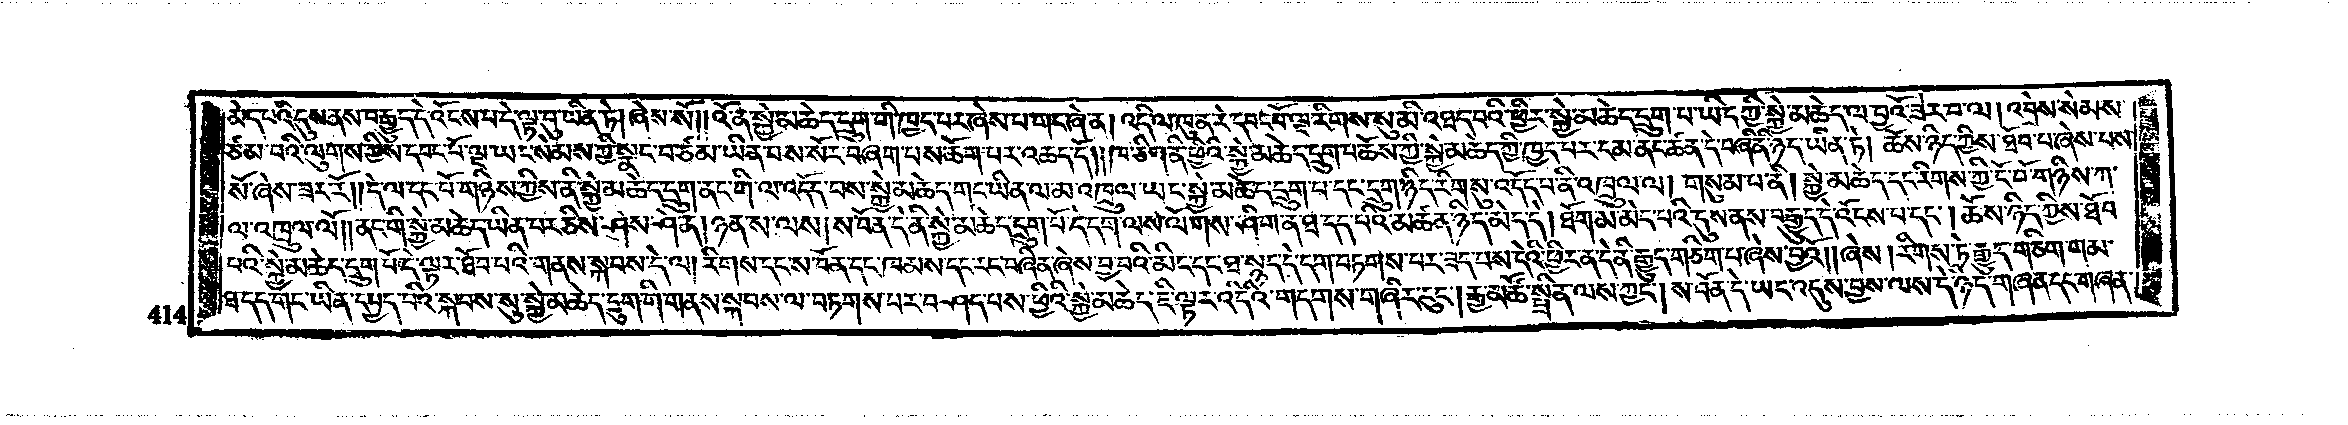མེད་པའི་དུས་ནས་བརྒྱུད་དེ་འོངས་པ་དེ་ལྟ་བུ་ཡིན་ཏེ། ཞེས་སོ། །འོ་ན་སྐྱེ་མཆེད་དྲུག་གི་ཁྱད་པར་ཞེས་པ་གང་ཞེ་ན། འདི་ལ་ཁུ་ན་རེ་དབང་པོ་ལྔ་རིགས་སུ་མི་འཐད་པའི་ཕྱིར་སྐྱེ་མཆེད་དྲུག་པ་ཡིད་ཀྱི་སྐྱེ་མཆེད་ལ་བྱའོ་ཟེར་བ་ལ། འབྲེས་སེམས་
ཙམ་པའི་ལུགས་ཀྱིས་དབང་པོ་ལྔ་ཡང་སེམས་ཀྱི་སྣང་བ་ཙམ་ཡིན་པས་སོར་བཞག་པས་ཆོག་པར་འཆད་དོ། །ཁ་ཅིག་ནི་ཕྱིའི་སྐྱེ་མཆེད་དྲུག་པ་ཆོས་ཀྱི་སྐྱེ་མཆེད་ཀྱི་ཁྱད་པར་རམ་ནང་ཚན་དེ་བཞིན་ཉིད་ཡིན་ཏེ། ཆོས་ཉིད་ཀྱིས་ཐོབ་པ་ཞེས་པས་
སོ་ཞེས་ཟེར་རོ། །དེ་ལ་དང་པོ་གཉིས་ཀྱིས་ནི་སྐྱེ་མཆེད་དྲུག་ནང་གི་ལ་འདོད་པས་སྐྱེ་མཆེད་གང་ཡིན་ལ་མ་འཁྲུལ་ཡང་སྐྱེ་མཆེད་དྲུག་པ་དང་དྲུག་ཉིད་རིགས་སུ་འདོད་པ་ནི་འཁྲུལ་ལ། གསུམ་པ་ནི། སྐྱེ་མཆེད་དང་རིགས་ཀྱི་ངོ་བོ་གཉིས་ཀ་
ལ་འཁྲུལ་ལོ། །ནང་གི་སྐྱེ་མཆེད་ཡིན་པར་ཅིས་ཤེས་ཤེ་ན། ཉན་ས་ལས། ས་བོན་དེ་ནི་སྐྱེ་མཆེད་དྲུག་པོ་དེ་དག་ལས་ལོགས་ཤིག་ན་ཐ་དད་པའི་མཚན་ཉིད་མེད་དེ། ཐོག་མ་མེད་པའི་དུས་ནས་བརྒྱུད་དེ་འོངས་པ་དང་། ཆོས་ཉིད་ཀྱིས་ཐོབ་
པའི་སྐྱེ་མཆེད་དྲུག་པོ་དེ་ལྟར་ཐོབ་པའི་གནས་སྐབས་དེ་ལ། རིགས་དང་ས་བོན་དང་ཁམས་དང་རང་བཞིན་ཞེས་བྱ་བའི་མིང་དང་ཐ་སྙད་དེ་དག་བཏགས་པར་ཟད་པས་དེའི་ཕྱིར་ཆ་དེ་ནི་རྒྱུད་གཅིག་པ་ཞེས་བྱའོ། །ཞེས། རིགས་ཏེ་རྒྱུད་གཅིག་གམ་
ཐ་དད་གང་ཡིན་དཔྱད་པའི་སྐབས་སུ་སྐྱེ་མཆེད་དྲུག་གི་གནས་སྐབས་ལ་བཏགས་པར་བཤད་པས་ཕྱིའི་སྐྱེ་མཆེད་ཇི་ལྟར་འདིའི་གདགས་གཞིར་རུང་། རྒྱ་མཚོ་སྤྲིན་ལས་ཀྱང་། ས་བོན་དེ་ཡང་འདུས་བྱས་ལས་དེ་ཉིད་གཞན་དང་གཞན་